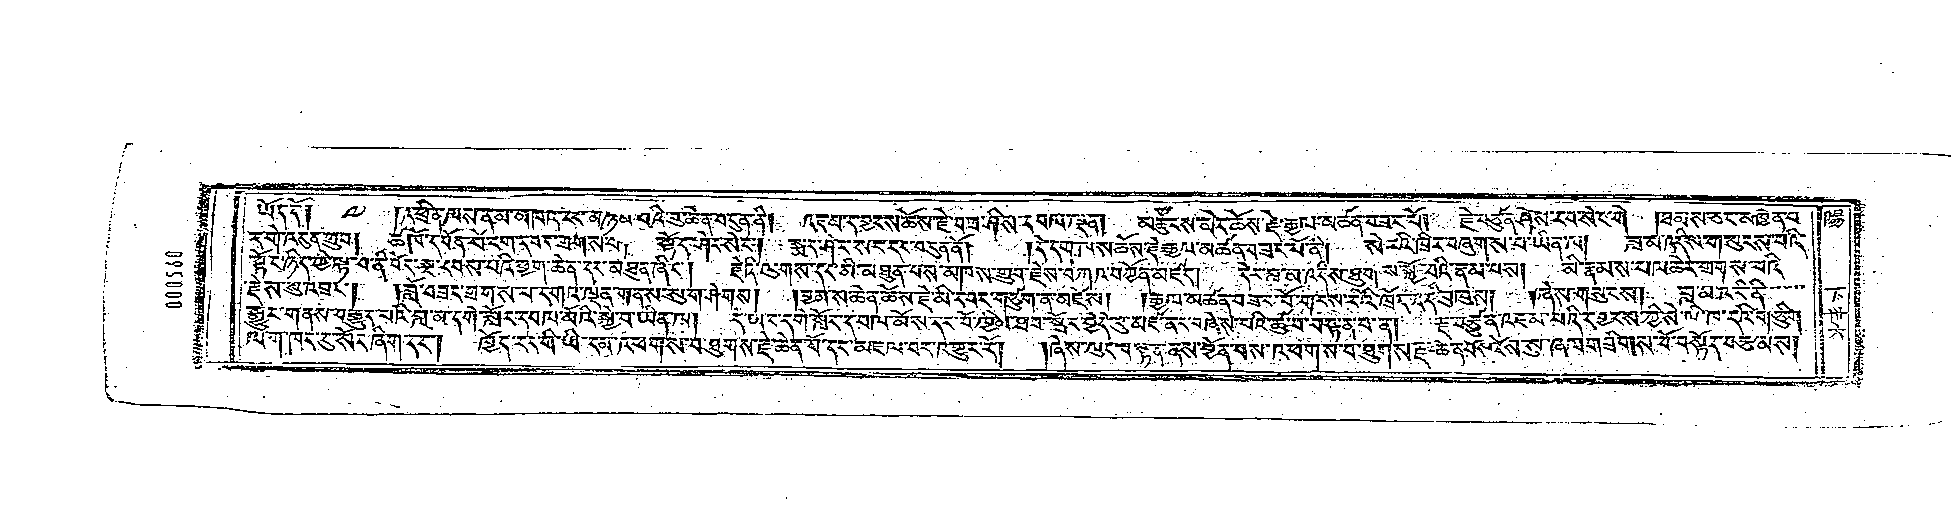ཡོད་དོ། ༧་།འཕྲིན་ལས་ནམ་མཁའ་དང་མཉམ་བའི་བུ་ཆེན་བདུན་ནི། འཇམ་དབྱངས་ཆོས་རྗེ་བཀྲ་ཤིས་དཔལ་ལྡན། མཚུངས་མེད་ཆོས་རྗེ་རྒྱལ་མཚན་བཟང་པོ། རྗེ་བཙུན་ཤེས་རབ་སེང་གེ །ཐམས་ཅད་མཁྱེན་པ་
དགེ་འདུན་གྲུབ། ཚ་ཁོ་དཔོན་པོ་ངག་དབང་གྲགས་པ། སྟོད་ཤེར་སེང་། སྨད་ཤེར་སར་དང་བདུན་ནོ། །དེ་དག་ལས་ཆོས་རྗེ་རྒྱལ་མཚན་བཟང་པོ་ནི། སེ་རའི་ཁྲིར་བཞུགས་པ་ཡིན་ལ། བླ་མ་འདིས་གསུངས་པའི་
སྟོང་ཉིད་ཀྱི་ལྟ་བ་ནི་བོད་སྔ་རབས་པའི་ཕྱག་ཆེན་དང་མཐུན་ཞིང་། རྗེའི་ལུགས་དང་མི་མཐུན་པས་མཁས་གྲུབ་རྗེས་བཀའ་བཀྱོན་མཛད། དེར་བླ་མ་འདིས་ཐུགས་སྐྱོ་བའི་རྣམ་པས། མི་རྣམས་ཕལ་ཆེར་གྲགས་བའི་
རྗེས་སུ་འབྲང་། །བློ་བཟང་གྲགས་པ་དགའ་ལྡན་གནས་སུ་གཤེགས། །བྱམས་ཆེན་ཆོས་རྗེ་མི་དབང་གཙུག་ན་མཛེས། །རྒྱལ་མཚན་བཟང་པོ་གངས་རིའི་ཁྲོད་འདི་འཁྲུས། །ཞེས་གསུངས། བླ་མ་འདི་ནི་
སྨྱུང་གནས་བརྒྱུད་པའི་བླ་མ་དགེ་སློང་དཔལ་མོའི་སྐྱེ་བ་ཡིན་ལ། དེ་ཡང་དགེ་སློང་དབལ་མོས་དང་པོ་ཁྱིམ་ཐབ་སྤོང་བྱེད་དུ་མཛེ་ནད་བཞེས་པའི་ཚུལ་བསྟན་པ་ན། རྗེ་བརྩུན་འཇམ་པའི་དབྱངས་ཀྱི་སེ་ལི་ཁ་རའི་གཅུ་ཅི་
ལག་ཁང་དུ་སོང་ཞིག་དང་། ཁྱོད་རང་གི་ཡི་དམ་འཕགས་བ་ཐུགས་རྗེ་ཆེན་པོ་དང་མཇལ་བར་འགྱུར་རོ། །ཞེས་ལུང་བསྟན་ནས་བྱོན་བས་འཕགས་བ་ཐུགས་རྗེ་ཆེན་བོས་ངོས་སུ་ཞལ་གཟིགས་བོ་བསྟོད་བརྩམས།